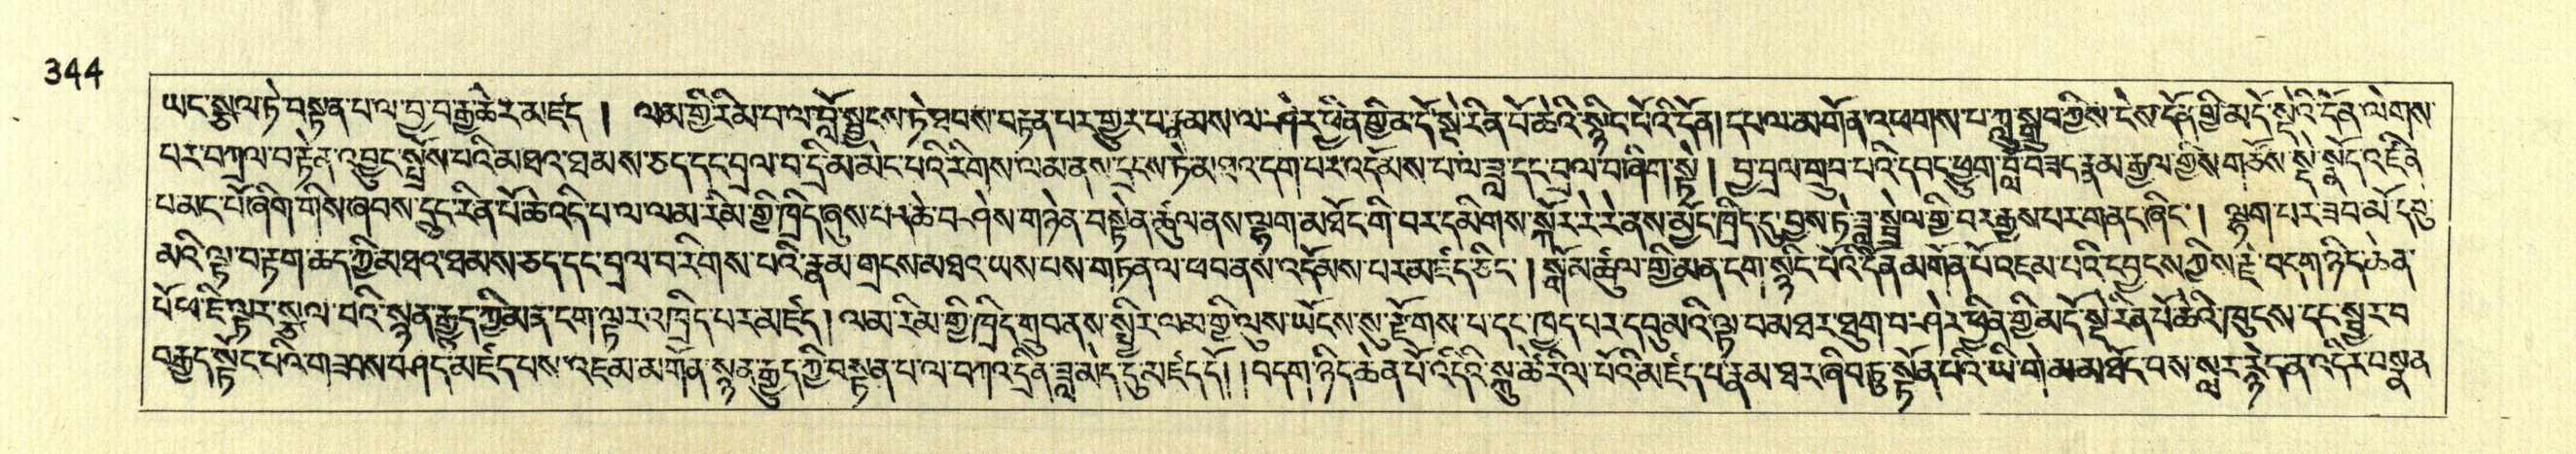ཡང་སྩལ་ཏེ་བསྟན་པ་ལ་བྱ་བ་རྒྱ་ཆེར་མཛད། ལམ་གྱི་རིམ་པ་ལ་བློ་སྦྱངས་ཏེ་ཐབས་བརྟན་པར་གྱུར་པ་རྣམས་ལ་ཤེར་ཕྱིན་གྱི་མདོ་སྡེ་རིན་པོ་ཆེའི་སྙིང་པོའི་དོན། དཔལ་མགོན་འཕགས་པ་ཀླུ་སྒྲུབ་ཀྱིས་ངེས་དོན་གྱི་མདོ་སྡེའི་དོན་ལེགས་
པར་བཀྲལ་བརྟེན་འབྱུང་སྤྲོས་པའི་མཐའ་ཐམས་ཅད་དང་བྲལ་བ་དྲི་མ་མེད་པའི་རིགས་ལམ་ནས་དྲངས་ཏེ་མཐའ་དག་པར་འདོམས་པ་ལ་ཟླ་དང་བྲལ་བ་ཞིག་སྟེ། བྱ་བྲལ་གྲུབ་པའི་དབང་ཕྱུག་བློ་བཟང་རྣམ་རྒྱལ་གྱིས་གཙོས་སྡེ་སྣོད་འཛིན་
པ་མང་པོ་ཞིག་གིས་ཞབས་དྲུང་རིན་པོ་ཆེ་འདི་པ་ལ་ལམ་རིམ་གྱི་ཁྲིད་ཞུས་པར་ཆེ་བ་ཤེས་གཉེན་བསྟེན་ཚུལ་ནས་ལྷག་མཐོང་གི་བར་དམིགས་སྐོར་རེ་རེ་ནས་མྱོང་ཁྲིད་དུ་བྱས་ཏེ་ཟླ་སྦྲེལ་གྱི་བར་རྒྱས་པར་གནང་ཞིང་། ལྷག་པར་ཟབ་མོ་དབུ་
མའི་ལྟ་བ་རྟག་ཆད་ཀྱི་མཐའ་ཐམས་ཅད་དང་བྲལ་བ་རིགས་པའི་རྣམ་གྲངས་མཐའ་ཡས་པས་གཏན་ལ་ཕབ་ནས་འདོམས་པར་མཛད་ཅིང་། སྒོམ་ཚུལ་གྱི་མན་ངག་སྙིང་པོའི་དོན་མགོན་པོ་འཇམ་པའི་དབྱངས་ཀྱིས་རྗེ་བདག་ཉིད་ཆེན་
པོ་ཕ་ཇི་ལྟར་སྩལ་བའི་སྙན་རྒྱུད་ཀྱི་མན་ངག་ལྟར་འཁྲིད་པར་མཛད། ལམ་རིམ་གྱི་ཁྲིད་གྲུབ་ནས་སྤྱིར་ལམ་གྱི་ལུས་ཡོངས་སུ་རྫོགས་པ་དང་ཁྱད་པར་དབུ་མའི་ལྟ་བ་མཐར་ཐུག་བ་ཤེར་ཕྱིན་གྱི་མདོ་སྡེ་རིན་པོ་ཆེའི་ཁུངས་དང་སྦྱར་བ་
བརྒྱད་སྟོང་པའི་གཟབས་བཤད་མཛད་པས་འཇམ་མགོན་སྙན་རྒྱུད་ཀྱི་བསྟན་པ་ལ་བཀའ་དྲིན་ཟླ་མེད་དུ་མཛད་དོ། །བདག་ཉིད་ཆེན་པོ་འདིའི་སྐུ་ཚེ་རིལ་པོའི་མཛད་པ་རྣམ་ཐར་ཞིབ་ཏུ་སྟོན་པའི་ཡི་གེ་མ་མཐོང་བས་སླར་རྙེད་ན་འདིར་བསྣན་